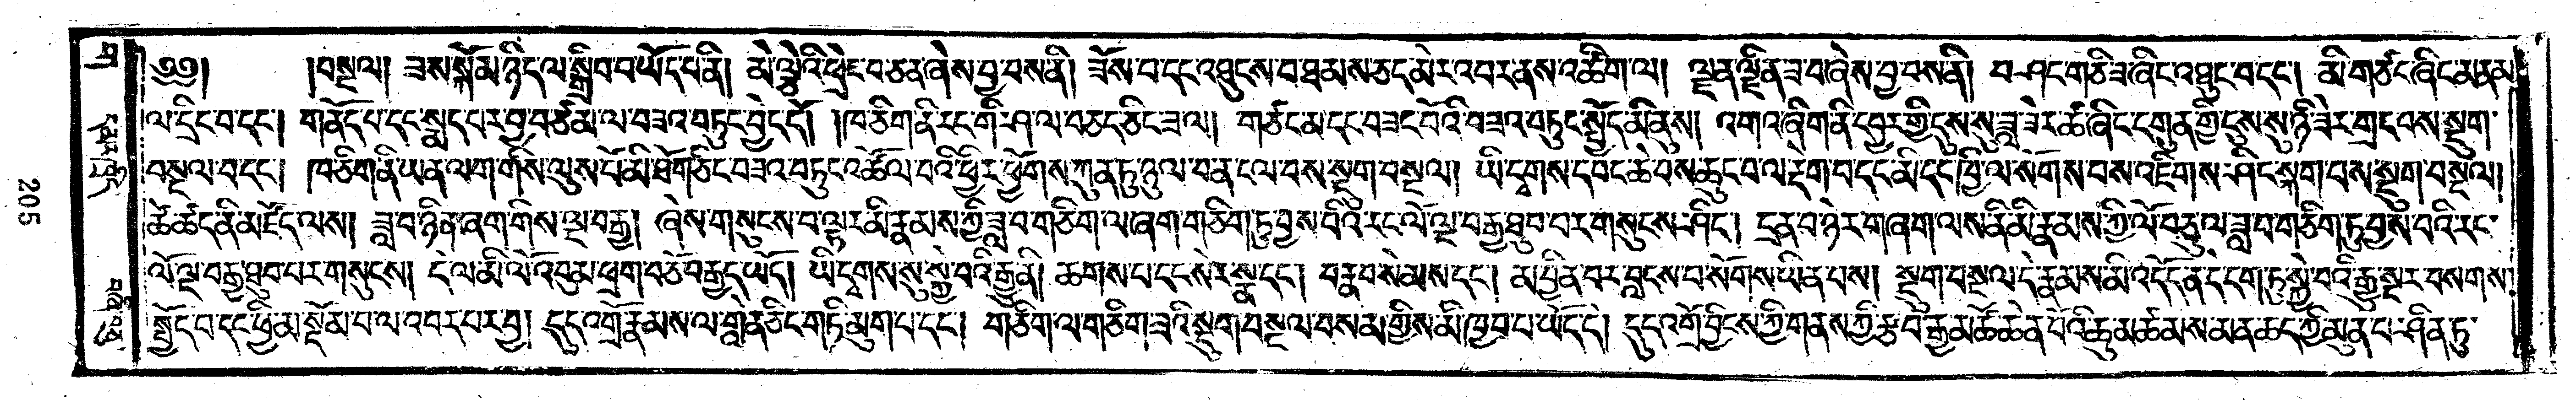༄༅། །བསྔལ། ཟས་སྐོམ་ཉིད་ལ་སྒྲིབ་པ་ཡོད་པ་ནི། མེ་ལྕེའི་ཕྲེང་བ་ཅན་ཞེས་བྱ་བས་ནི། ཟོས་པ་དང་འཐུངས་བ་ཐམས་ཅད་མེར་འབར་ནས་འཚིག་ལ། ལྗན་ལྗིན་ཟ་བ་ཞེས་བྱ་བས་ནི། བཤང་གཅི་ཟ་ཞིང་འཐུང་བ་དང་། མི་གཙང་ཞིང་མནན་
ལ་དྲིང་བ་དང་། གནོད་པ་དང་སྨད་པར་བྱ་བ་ཙམ་ལ་བཟའ་བཏུང་བྱེད་དོ། །ཁ་ཅིག་ནི་རང་གི་ཤ་ལ་བཅད་ཅིང་ཟ་ལ། གཙང་མ་དང་བཟང་པོའི་བཟའ་བཏུང་སྤྱོད་མི་ནུས། འགའ་ཞིག་ནི་དབྱར་གྱི་དུས་སུ་ཟླ་ཟེར་ཚ་ཞིང་དགུན་གྱི་དུས་སུ་ཉི་ཟེར་གྲང་བས་སྡུག་
བསྔལ་བ་དང་། ཁ་ཅིག་ནི་ཡན་ལག་གིས་ལུས་པོ་མི་ཐོག་ཅིང་བཟའ་བཏུང་འཚོལ་བའི་ཕྱིར་ཕྱོགས་ཀུན་ཏུ་ཉུལ་བ་ན་ངལ་བས་སྡུག་བསྔལ། ཡི་དྭགས་དབང་ཆེ་བས་ཆུང་བ་ལ་རྡེག་པ་དང་མི་དང་ཁྱི་ལ་སོགས་པས་འཇིགས་ཤིང་སྐག་བས་སྡུག་བསྔལ།
ཚེ་ཚད་ནི་མཛོད་ལས། ཟླ་བ་ཉིན་ཞག་གིས་ལྔ་བརྒྱ། ཞེས་གསུངས་པ་ལྟར་མི་རྣམས་ཀྱི་ཟླ་བ་གཅིག་ལ་ཞག་གཅིག་ཏུ་བྱས་པའི་རང་ལོ་ལྔ་བརྒྱ་ཐུབ་པར་གསུངས་ཤིང་། དྲན་པ་ཉེར་གཞག་ལས་ནི་མི་རྣམས་ཀྱི་ལོ་བཅུ་ལ་ཟླ་བ་གཅིག་ཏུ་བྱས་པའི་རང་
ལོ་ལྔ་བརྒྱ་ཐུབ་པར་གསུངས། དེ་ལ་མི་ལོ་འབུམ་ཕྲག་བཅོ་བརྒྱད་ཡོད། ཡི་དྭགས་སུ་སྐྱེ་བའི་རྒྱུ་ནི། ཆགས་པ་དང་སེར་སྣ་དང་། བརྣབ་སེམས་དང་། མ་བྱིན་པར་བླངས་བ་སོགས་ཡིན་པས། སྡུག་བསྔལ་དེ་རྣམས་མི་འདོད་ན་དེ་དག་ཏུ་སྐྱེ་བའི་རྒྱུ་སྔར་བསགས་
སྤྱོད་པ་དང་ཕྱི་མ་སྡོམ་པ་ལ་འབར་པར་བྱ། དུད་འགྲོ་རྣམས་ལ་གླེན་ཅིང་གཏི་མུག་པ་དང་། གཅིག་ལ་གཅིག་ཟའི་སྡུག་བསྔལ་བསམ་གྱིས་མི་ཁྱབ་པ་ཡོད་དེ། དུད་འགྲོ་བྱིངས་ཀྱི་གནས་ཀྱི་རྩ་བ་རྒྱ་མཚོ་ཆེན་པོའི་ཆུ་མཚམས་མན་ཆད་ཀྱི་མུན་པ་ཤིན་ཏུ་